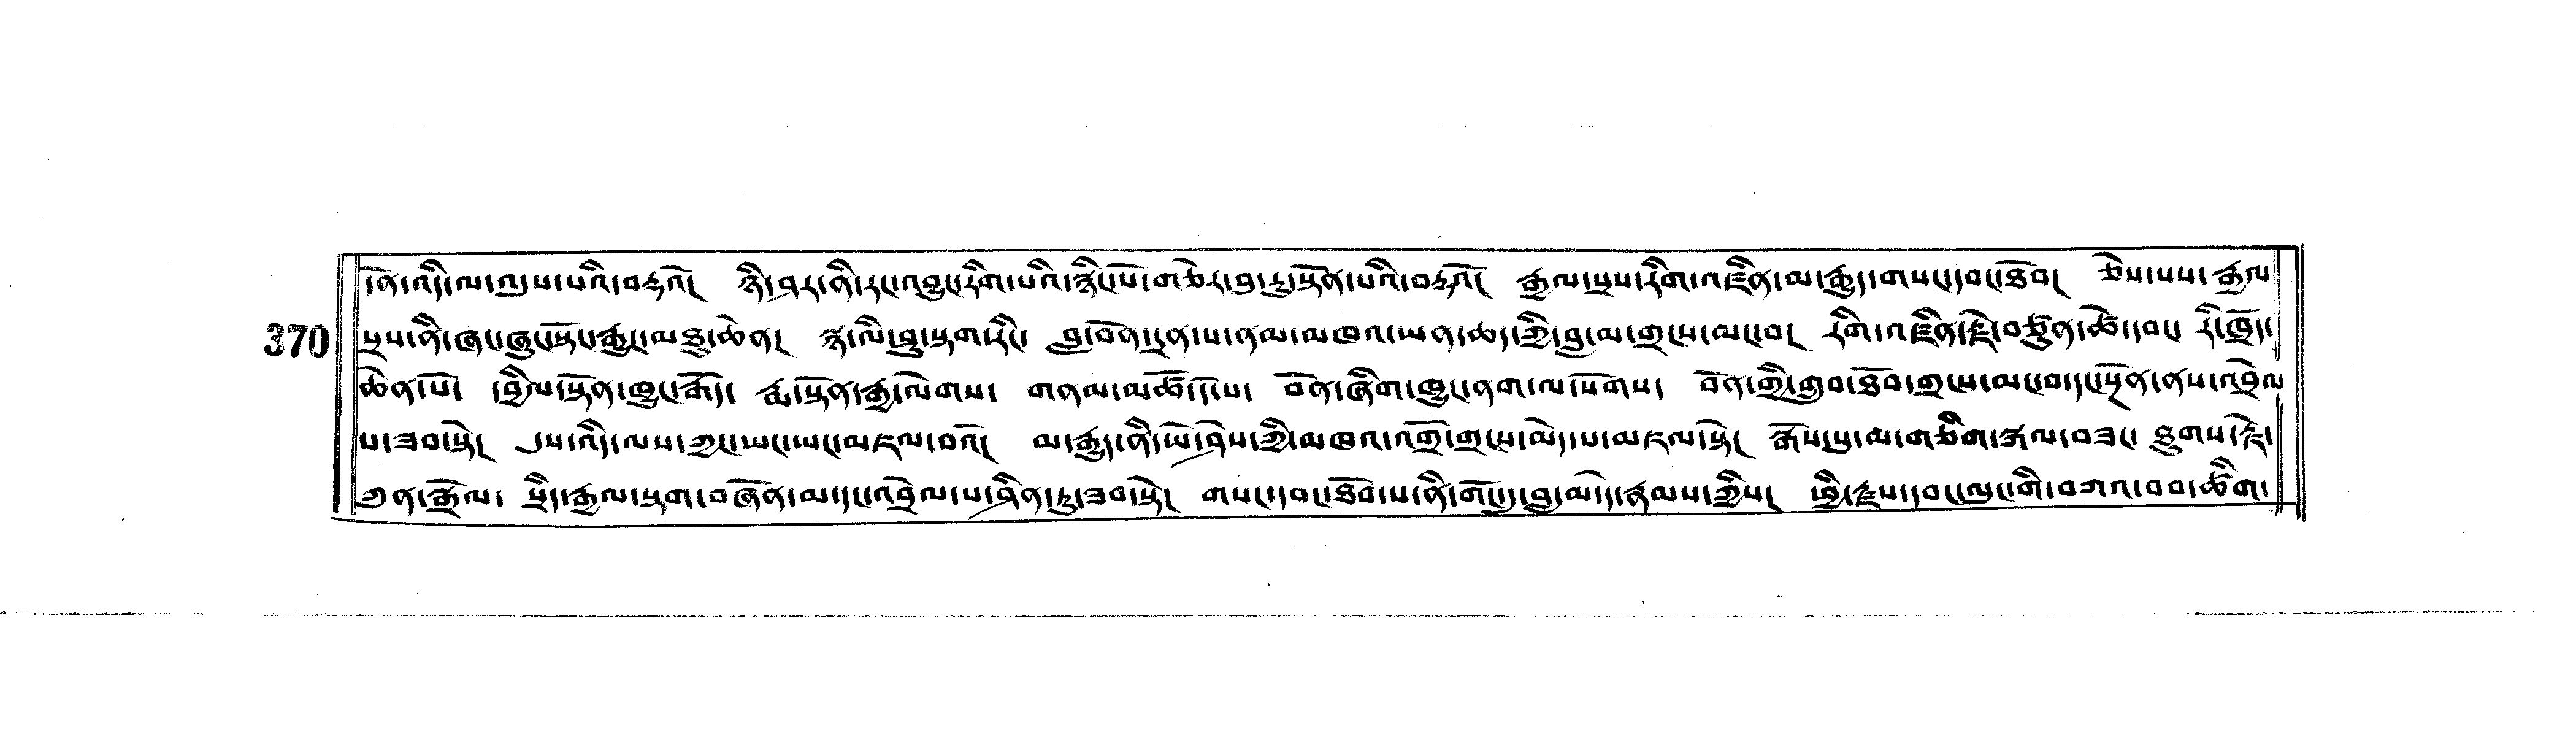དོན་འདི་ལ་འདུས་པའི་བརྡའོ། ཉི་ཤར་ནི་རང་འབྱུང་རིག་པའི་སྙིང་པོ་གཅེར་བུ་རུ་སྟོན་པའི་བརྡའོ། རྒྱལ་སྲས་རིག་འཛིན་མ་རྒྱུད་གསང་དབང་ཐོབ། ཅེས་པས་རྒྱལ་
སྲས་ནི་ཞང་ཞུང་སྟོང་རྒྱུང་མཐུ་ཆེན། སྙ་ལི་ཤུ་སྟག་རིང་། བླ་བོན་དྲན་པ་ནམ་མཁའ་ཡན་ཆད་ཀྱི་བླ་མ་གྲངས་མང་བ། རིག་འཛིན་རྗེ་བཙུན་ཚེ་དབང་། རི་ཁྲོད་
ཆེན་པོ། དབྱིལ་སྟོན་ཁྱུང་རྒོད། རྨ་སྟོན་རྒྱ་ལེགས། གནམ་མཚོ་དོ་པ། བོན་ཞིག་ཁྱུང་ནག་ལ་སོགས། བོན་གྱི་གྲུབ་ཐོབ་གྲངས་མང་བ་དང་སྔོན་ནས་འབྲེལ་
བ་ཟབ་སྟེ། དུས་འདི་ཉིད་ལས་ཀྱང་ཡང་ཡང་མཇལ་བའོ། མ་རྒྱུད་ནི་ཡེ་ཤེས་ཀྱི་མཁའ་འགྲོ་གྲངས་མེད་པ་མཇལ་ཏེ། སྒོས་སུ་མ་གཅིག་སྐལ་བཟང་ ཐུགས་རྗེ་
ཀུན་སྒྲོལ། སྲིད་རྒྱལ་སྟག་ཞོན་མ་དང་འབྲེལ་བ་ཤིན་ཏུ་ཟབ་སྟེ། གསང་དབང་ཐོབ་པ་ནི་གོང་གི་བླ་མ་དེ་རྣམས་ཀྱིས། ཕྱི་རྫས་དབང་ལུང་གི་བཀའ་བབ་ཚིག་